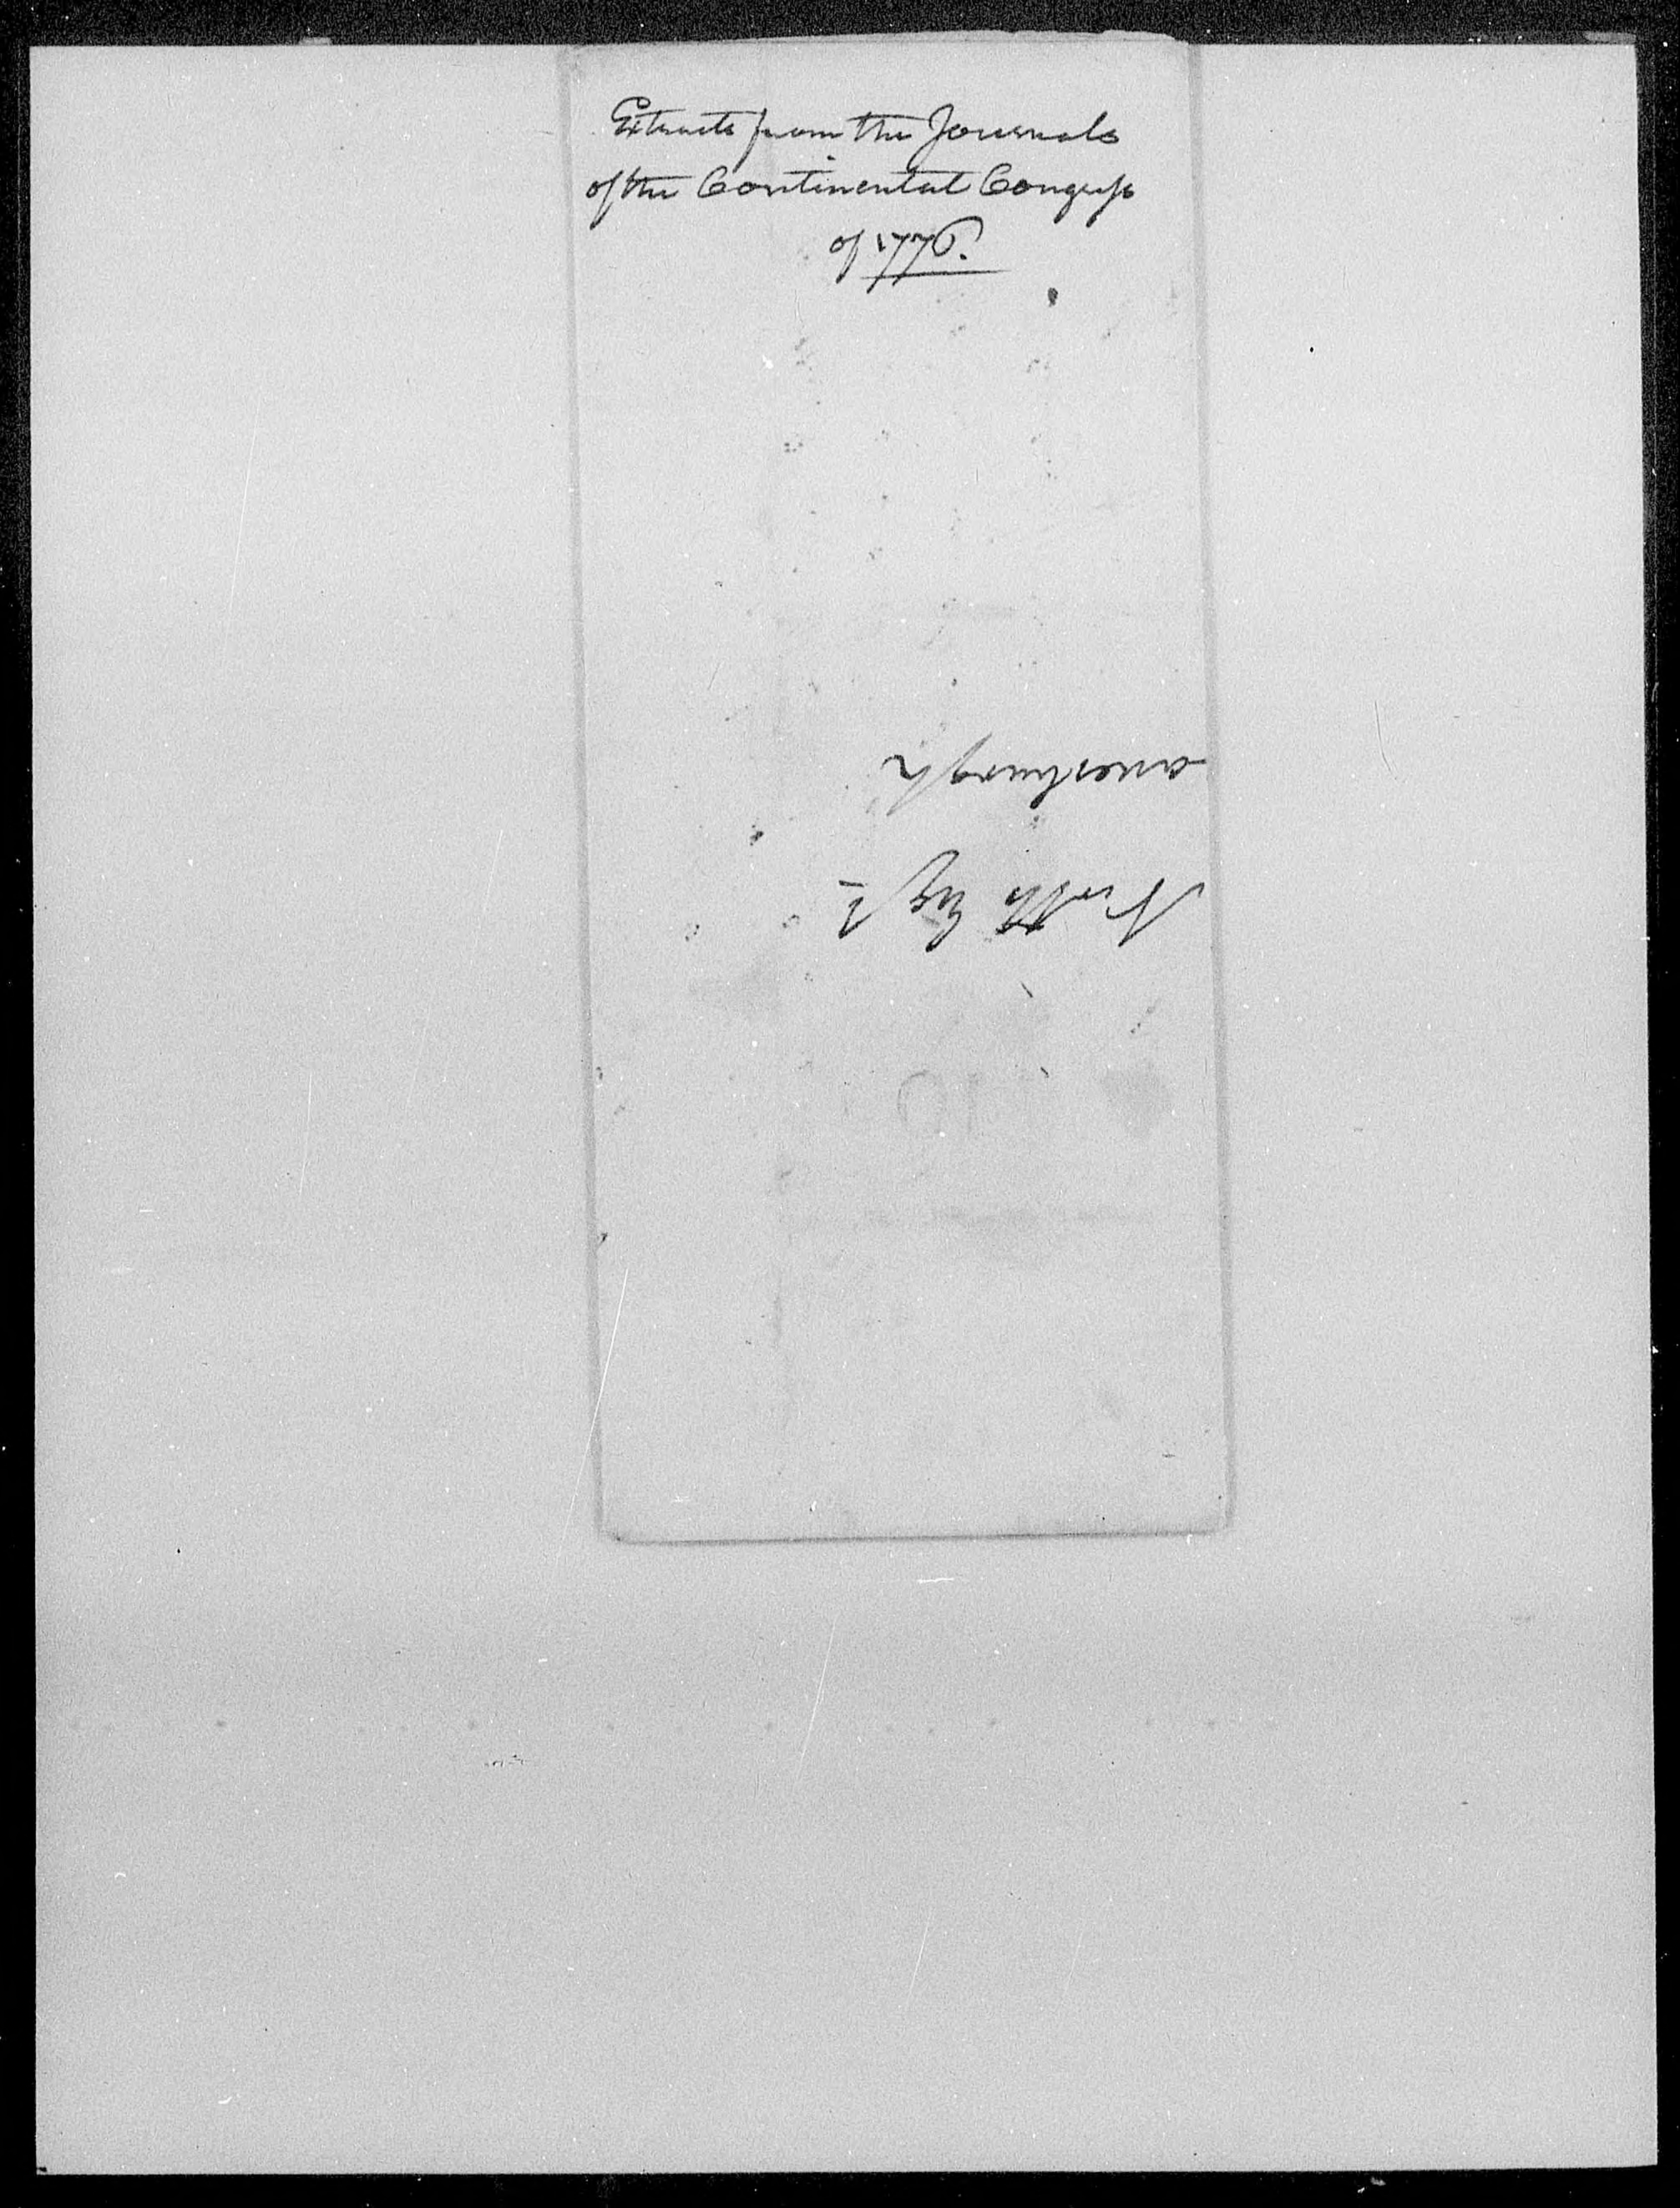Extracts from the Journals of the Continental Congress of 1776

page: 33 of 40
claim: widow's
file: W. 21876, for Christian Osterman, New York